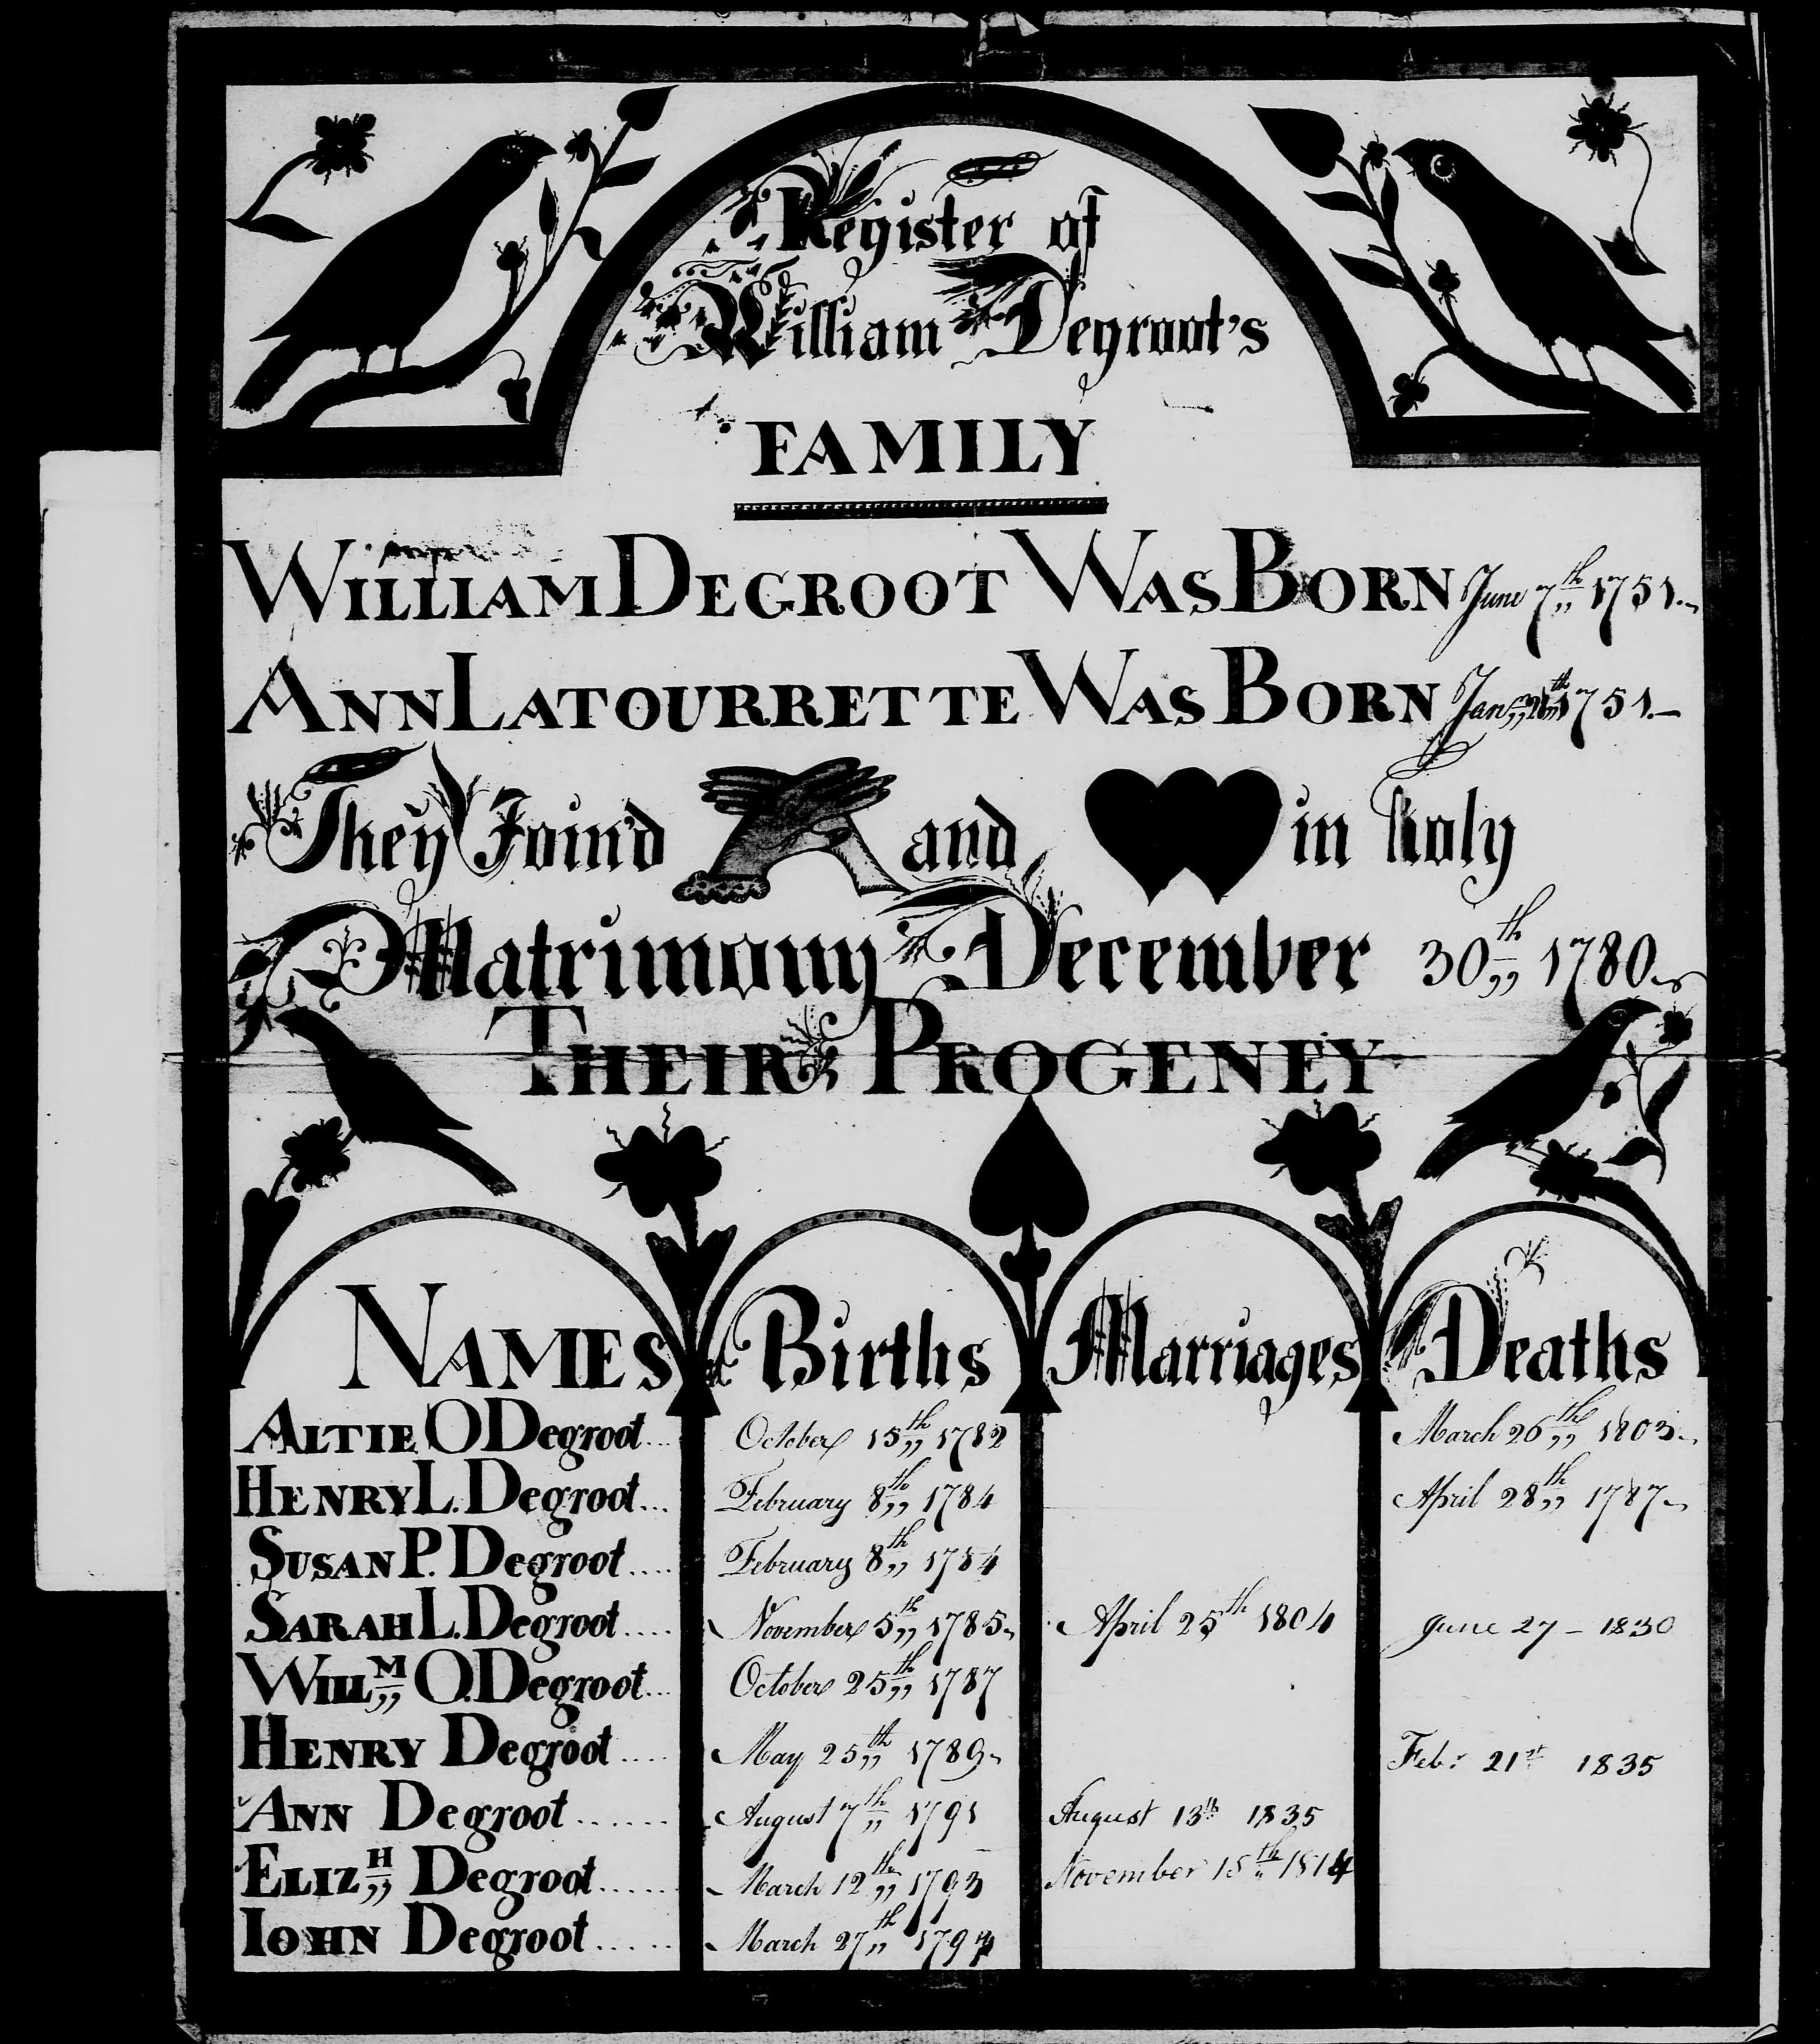Register of William Degroot's FAMILY
WILLIAM DEGROOT WAS BORN June 7th,, 1751
ANN LATOURRETTE WAS BORN Jan,, 28th 1751
They found [hands] and [hearts]' in holy
matrimony December 30th,, 1780
THEIR PROGENEY
Names Births Marriages Deaths
Altie O Degroot October 15th,, 1789
March 26th,, 1803
Henry L. Degroot February 8th,, 1784
April 28th,, 1787
Susan P. Degroot February 8th,, 1784
Sarah L. Degroot November 5th,, 1785
April 25th 1804 June 27th 1830
Will M O. Degroot October 25th,, 1787
Henry Degroot May 25th,, 1789
February 21st 1835
Ann Degroot August 7th 1791
August 13th 1835
Eliz H Degroot March 12th,, 1793
November 15th,, 1814
Iohn Degroot March 27th,, 1794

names: Henry L Degroot, Susan P Degroot, Ann Degroot, Iohn Degroot, Ann Latourrette, Altie O Degroot, Sarah L Degroot, William Degroot, Henry Degroot, Elizh Degroot, Willm O Degroot, William Degrant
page: 17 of 77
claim: widow's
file: W. 417, William De Groot, New Jersey